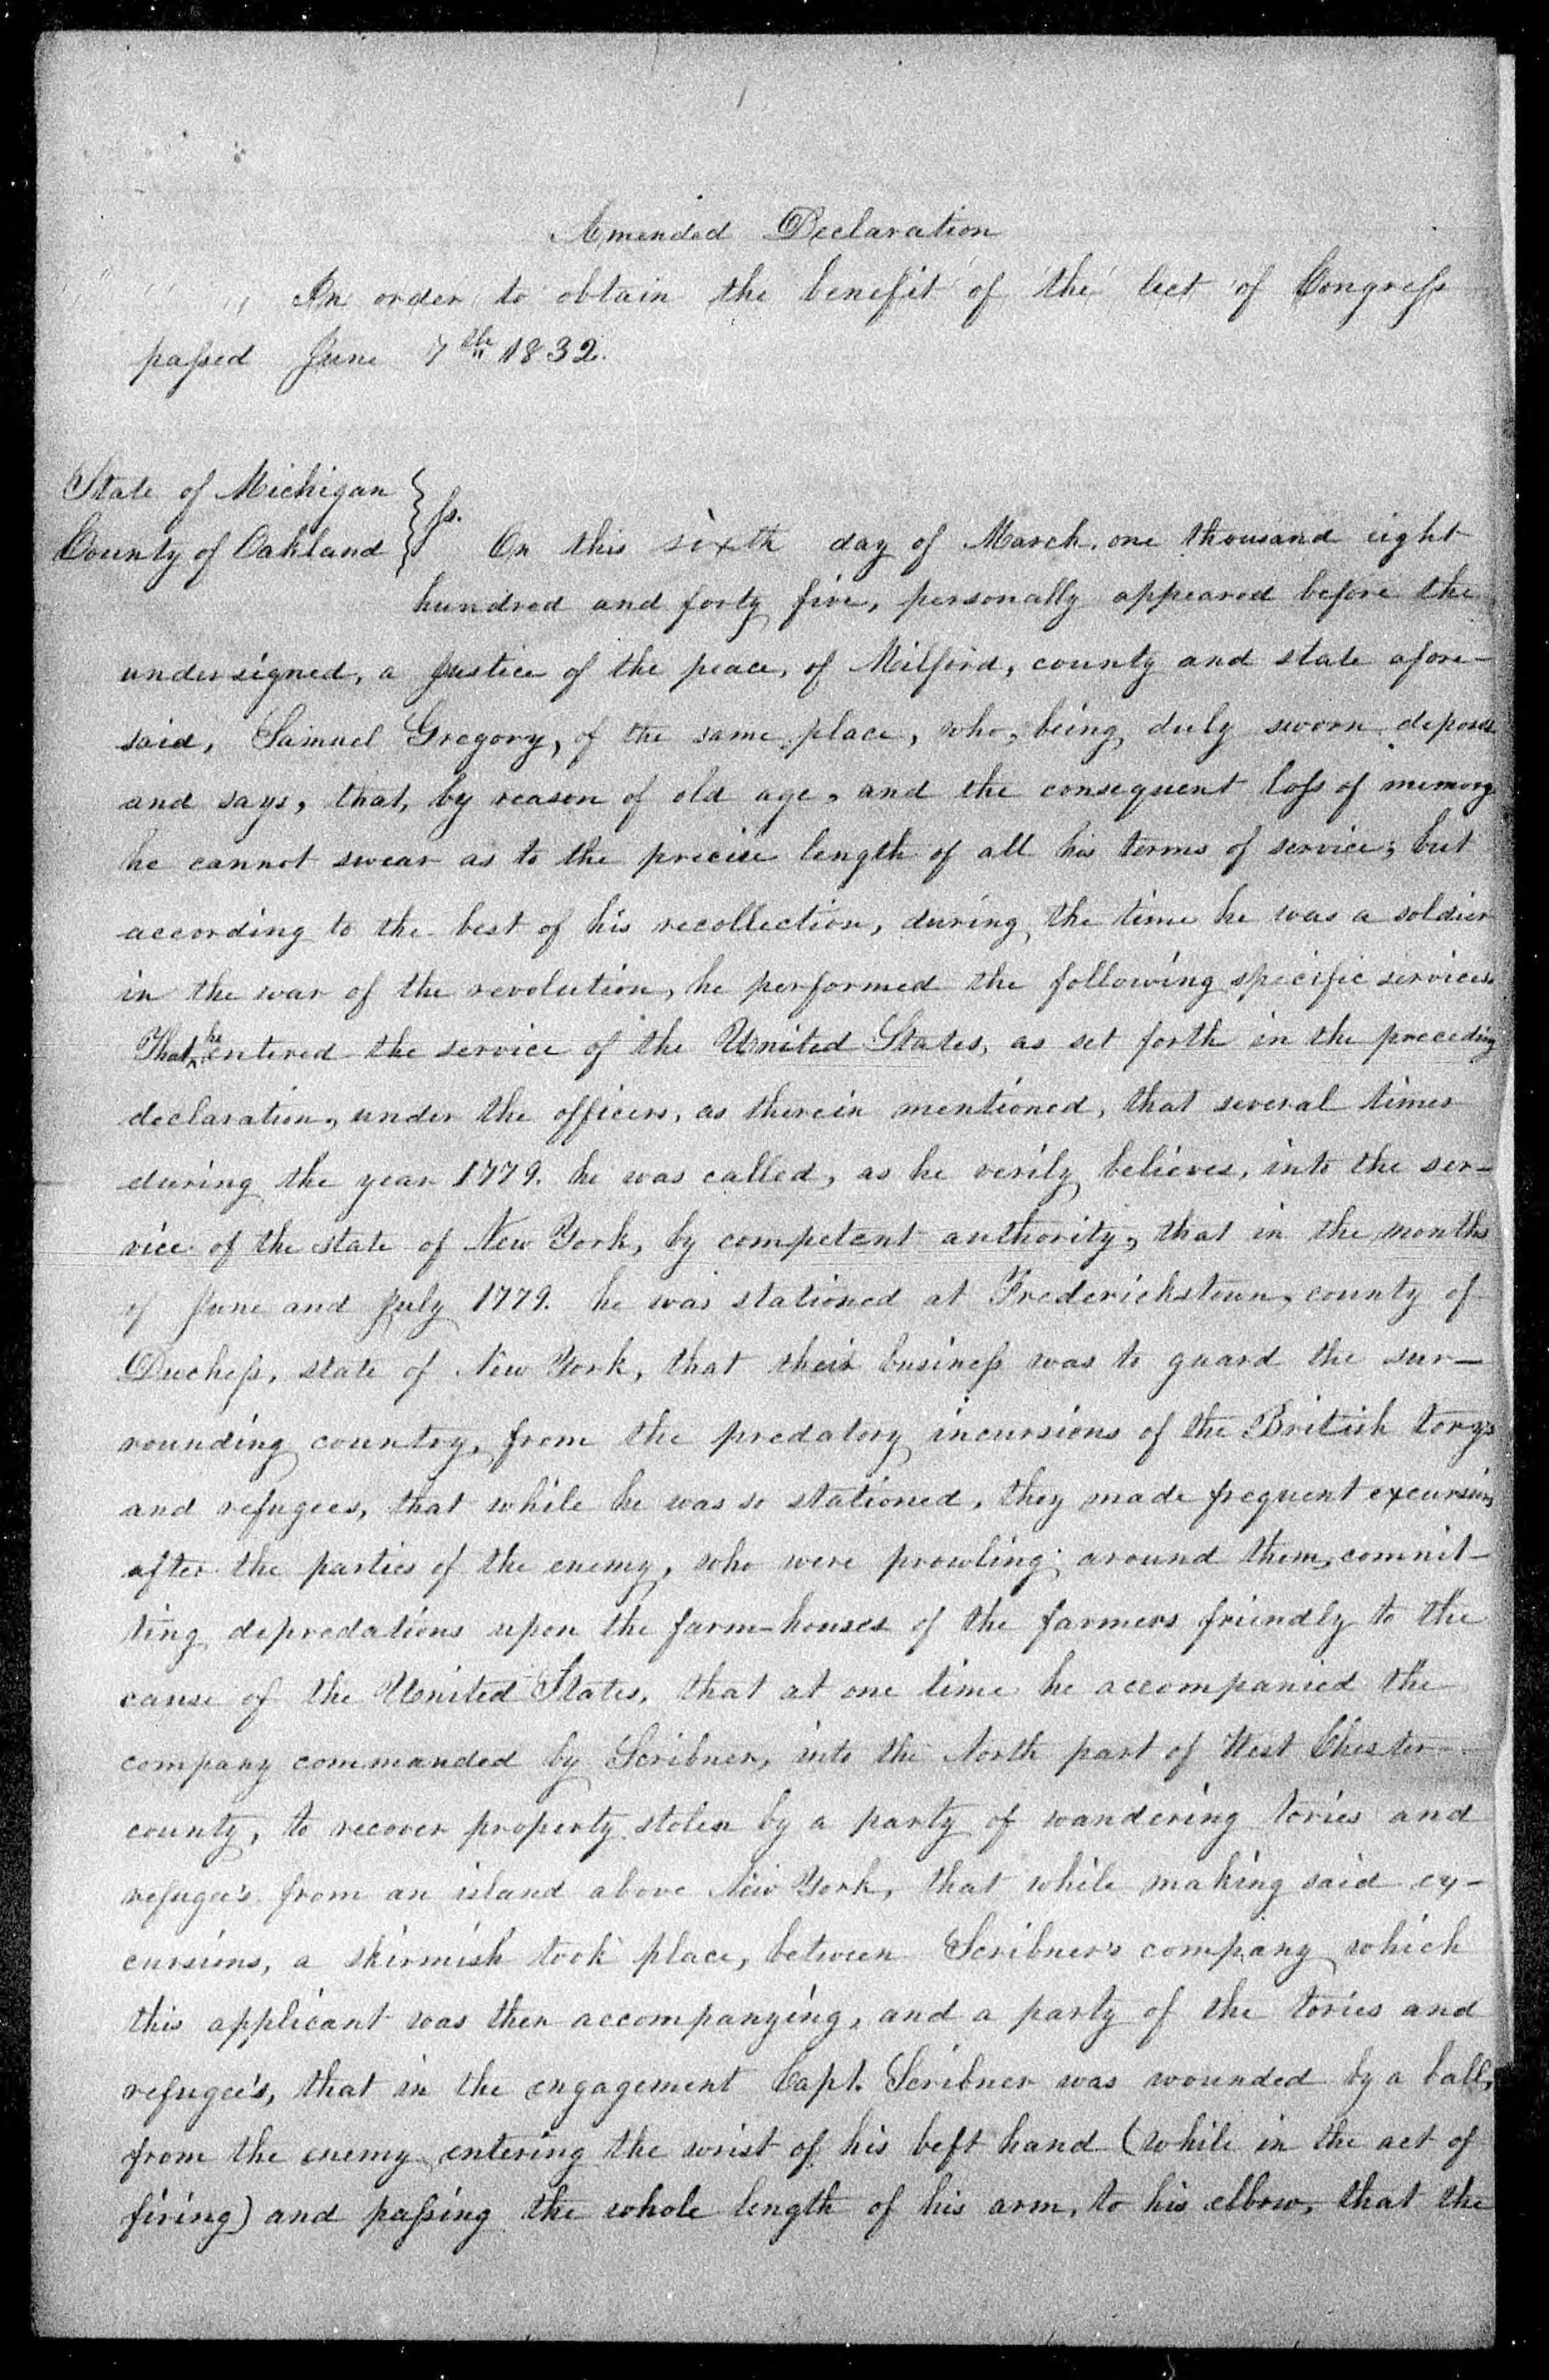Amended Declaration
In order to obtain the benefit of the Act of Congress June 7th 1832.

State of Michigan
County of Oakland ss

On this sixth day of March one thousand eight hundred and forty five, personally appeared before undersigned, a Justice of the Peace, of Milford, county and state aforesaid, Samuel Gregory, of the same place, who being duly sworn doth deposeth and says, that, by reason of old age, and the consequent loss of memory he cannot swear as to the precise length of all his terms of service, but according to the best of his recollection, during the time he was a soldier in the war of the revolution, he performed the following specific service. That he entered the service of the United States, as set forth in the preceding declaration, under the officers, as therein mentioned, that several times during the year 1779. he was called, as he verily believes, into the service of the State of New York, by competent authority, that in the months of June and July 1779. He was stationed at Frederickstown county of Dutchess, state of New York, that their business was to guard the surrounding country, from the predatory incursions of the British tories and refugees, that while he was so stationed, they made frequent excursions after the parties of the enemy, who were prowling around them committing depredations upon the farm houses of the farmers friendly to the cause of the United States, that at one time he accompanied the company commanded by Scribner, into the North part of Westchester county, to recovered property stolen by a party of wandering tories and refugees from an island above New York, that while making said excursions, a skirmish took place, between Scribner company which this applicant was then accompanying, and a party of the tories and refugee's, that in the engagement Capt. Scribner was wounded by a ball from the enemy entering the wrist of his left hand (while in the act of firing) and passing the whole length of his arm, to his elbow, that the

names: Scribner, Scribner, Samuel Gregory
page: 22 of 66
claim: rejected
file: R. 4298, Samuel Gregory, New York